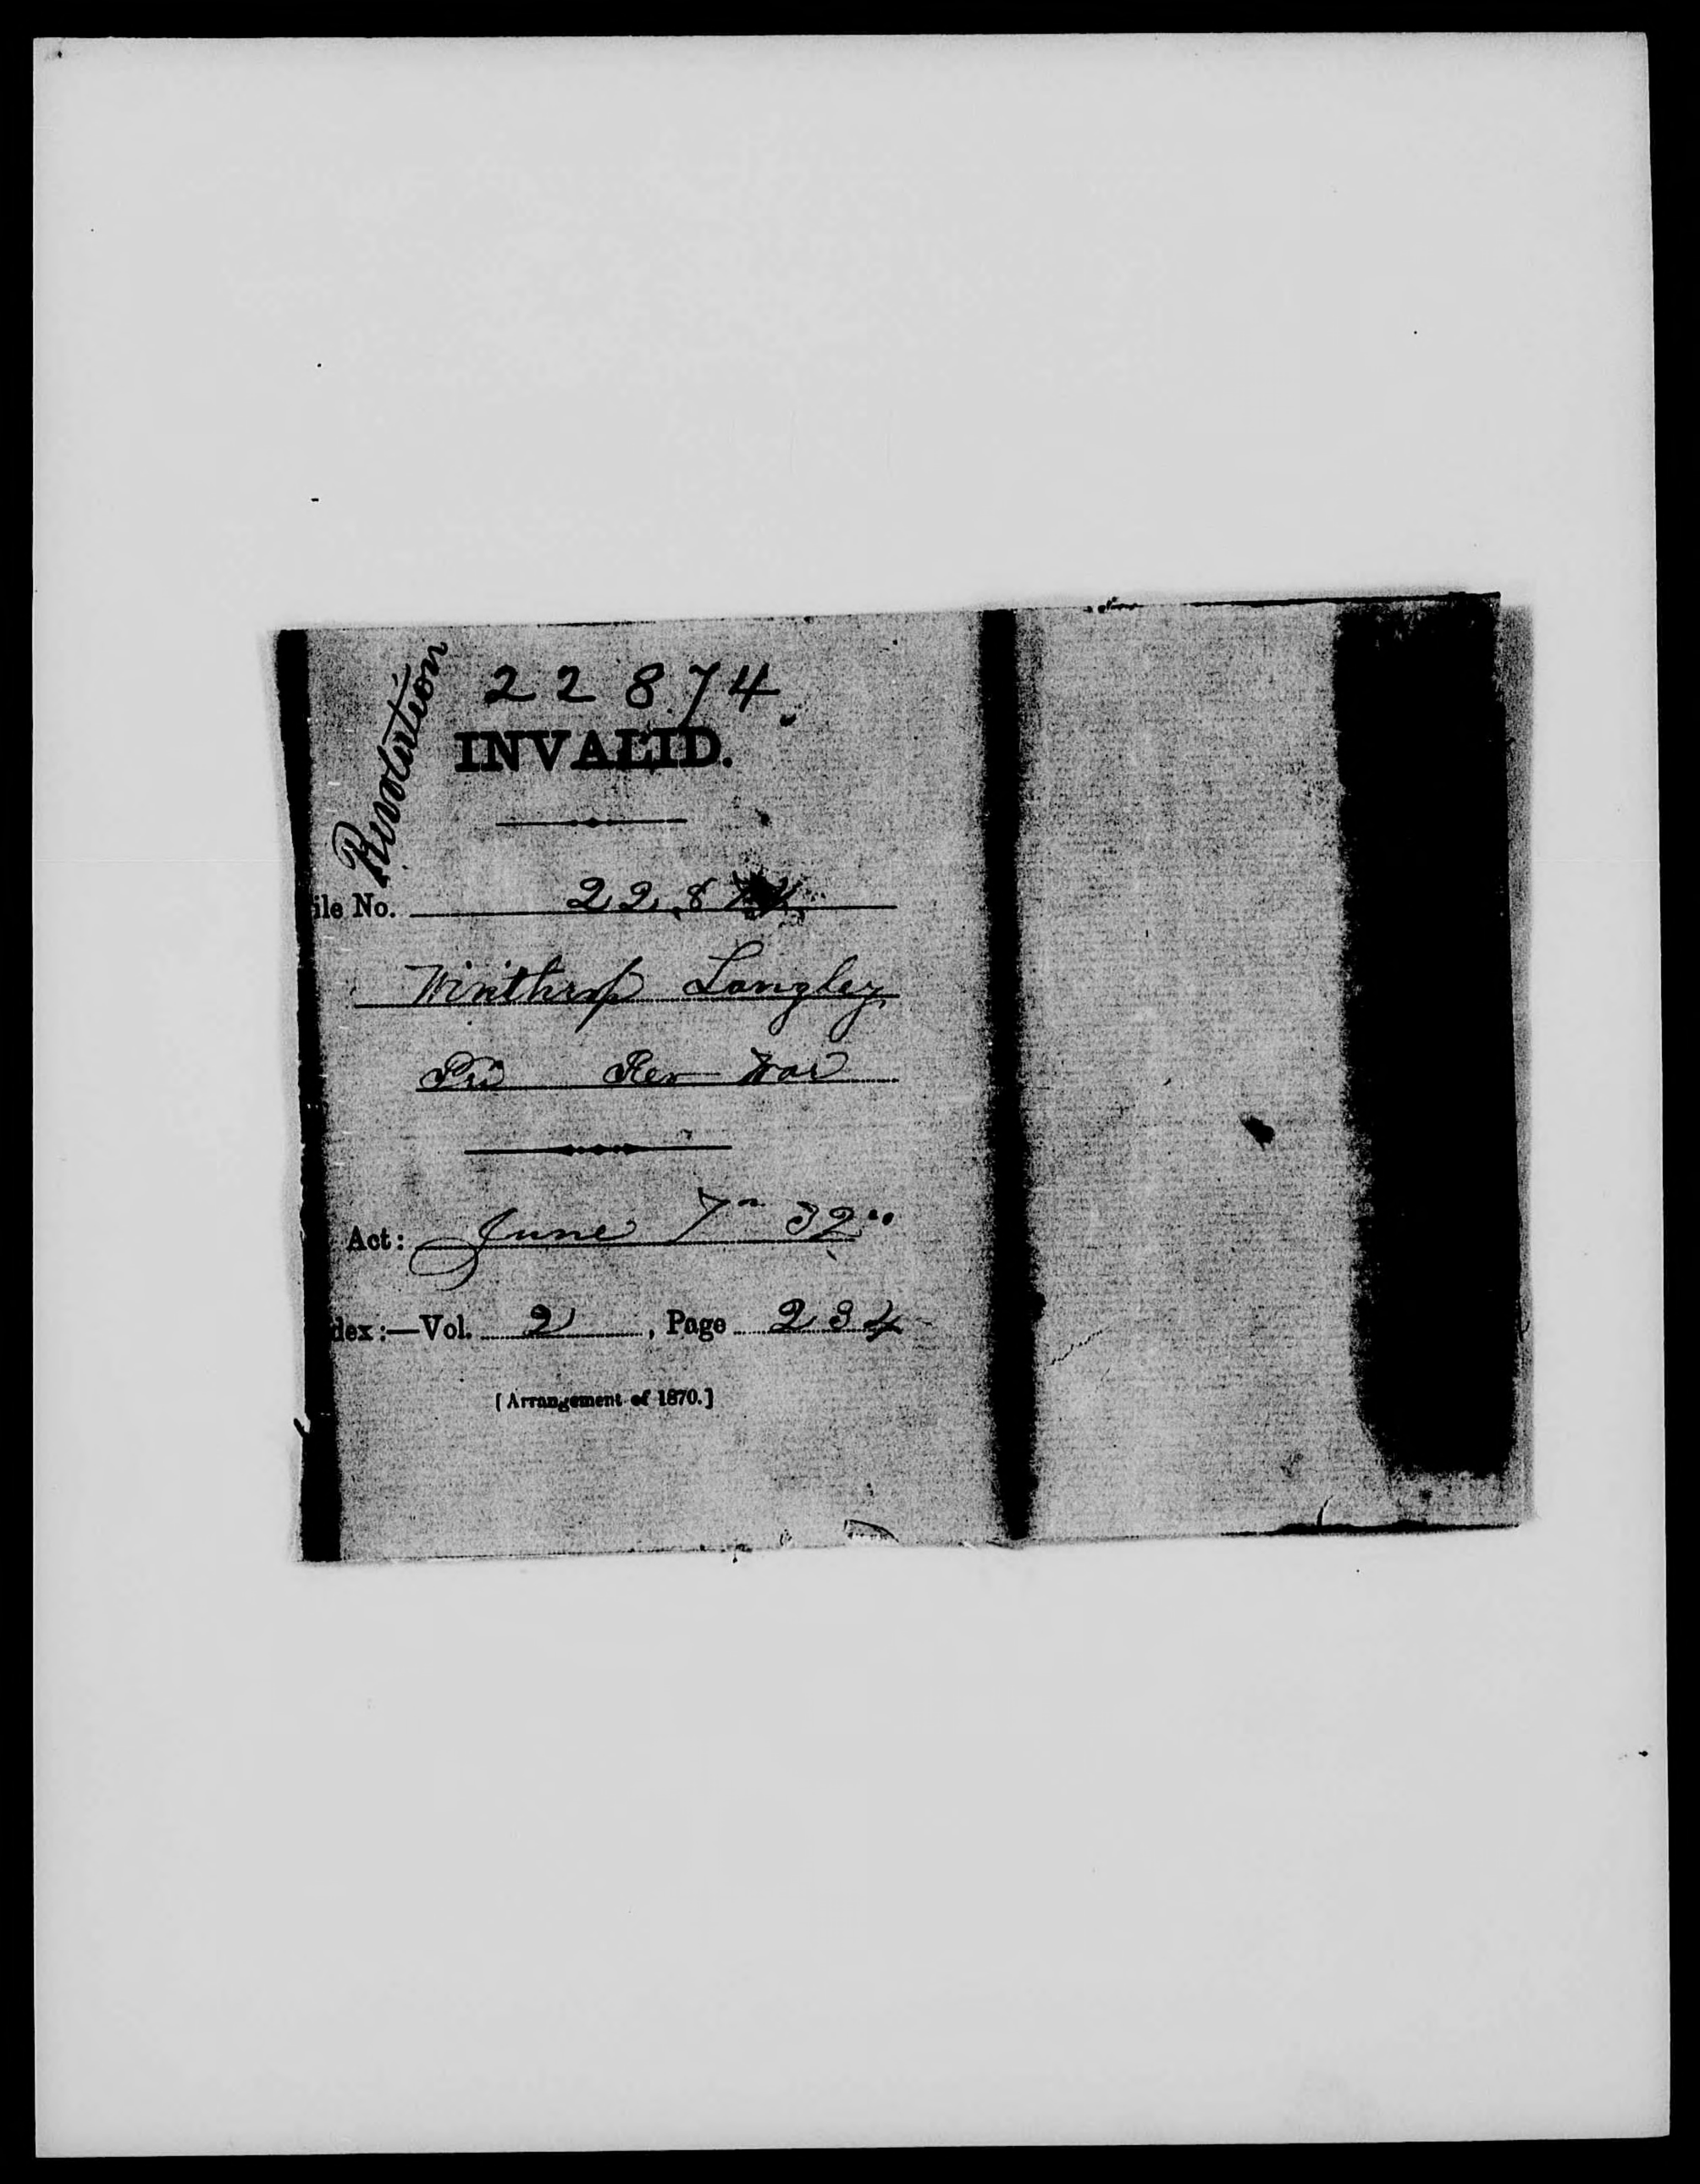22874

Revolution

INVALID

File No: 22874

Winthrop Langley

Pri, Rev War

Act:  June 7 1832

Index: Vol 2, Page 234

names: Winthrop Langley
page: 2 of 7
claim: survivor's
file: S. 22874, for Winthrop Langley, New Hampshire